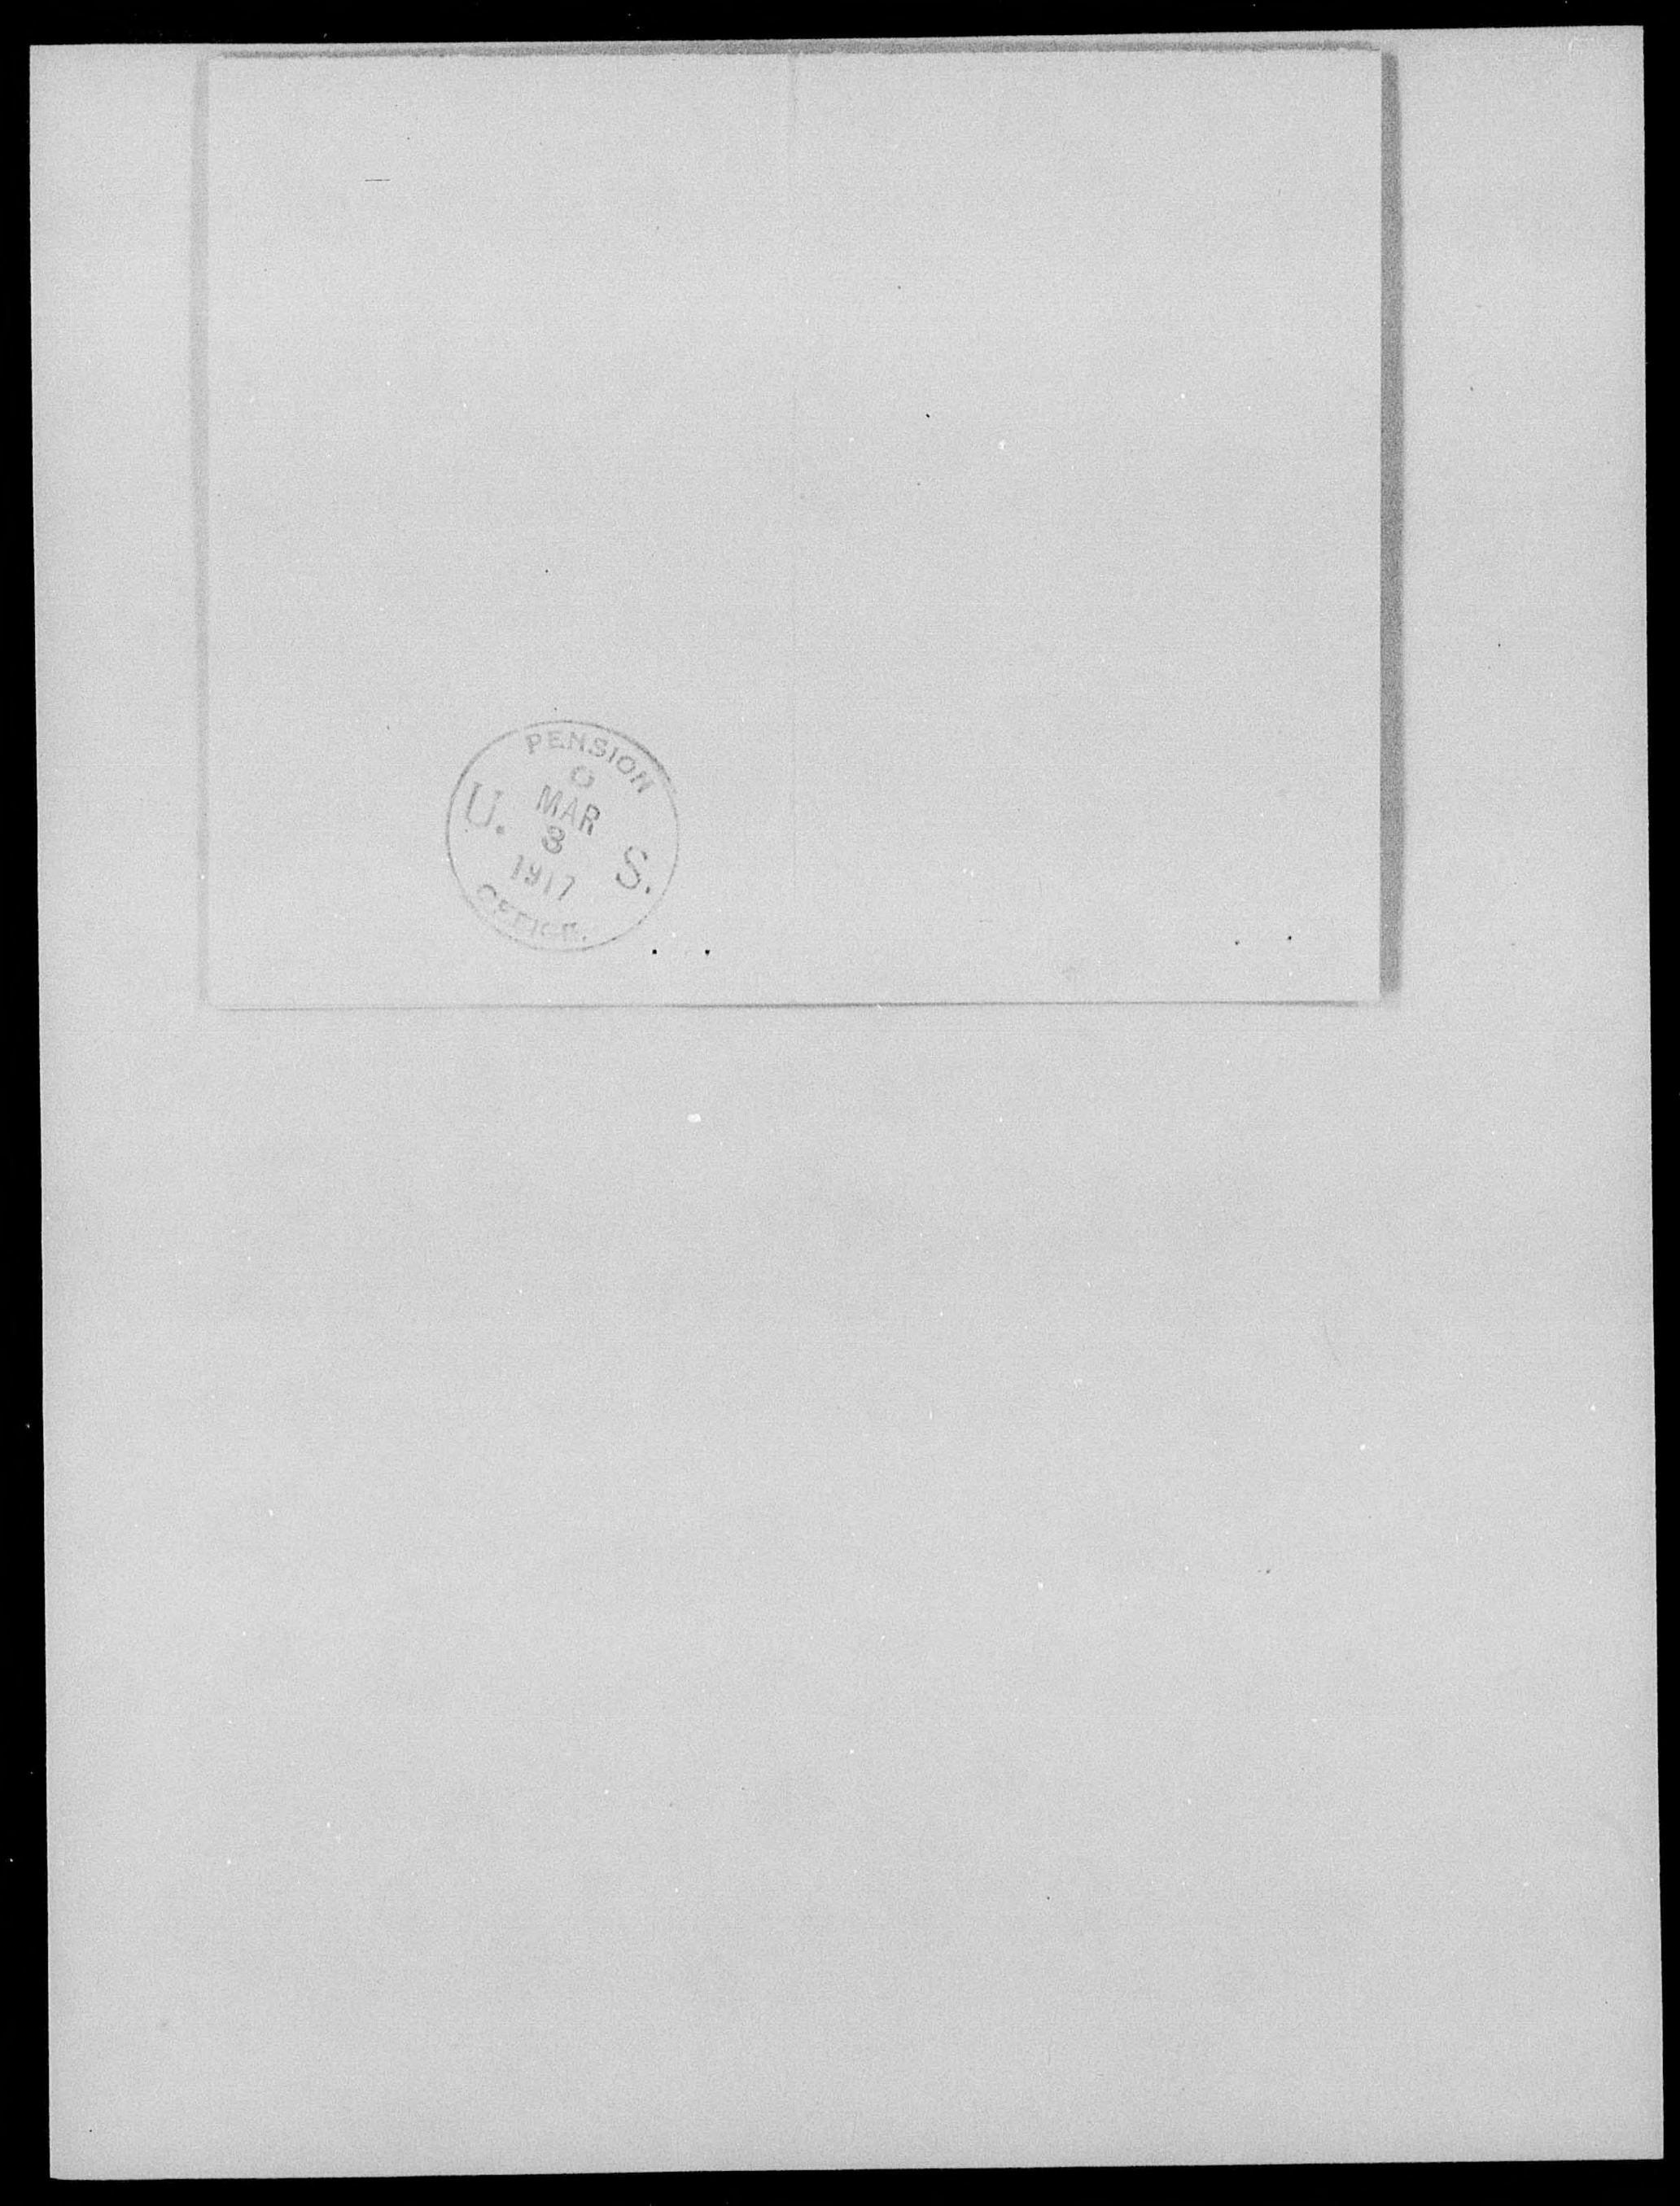[stamped: U.S. PENSION OFFICE MAR 3 1917]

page: 35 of 49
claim: widow's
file: W. 2164, for George Porter, Massachusetts